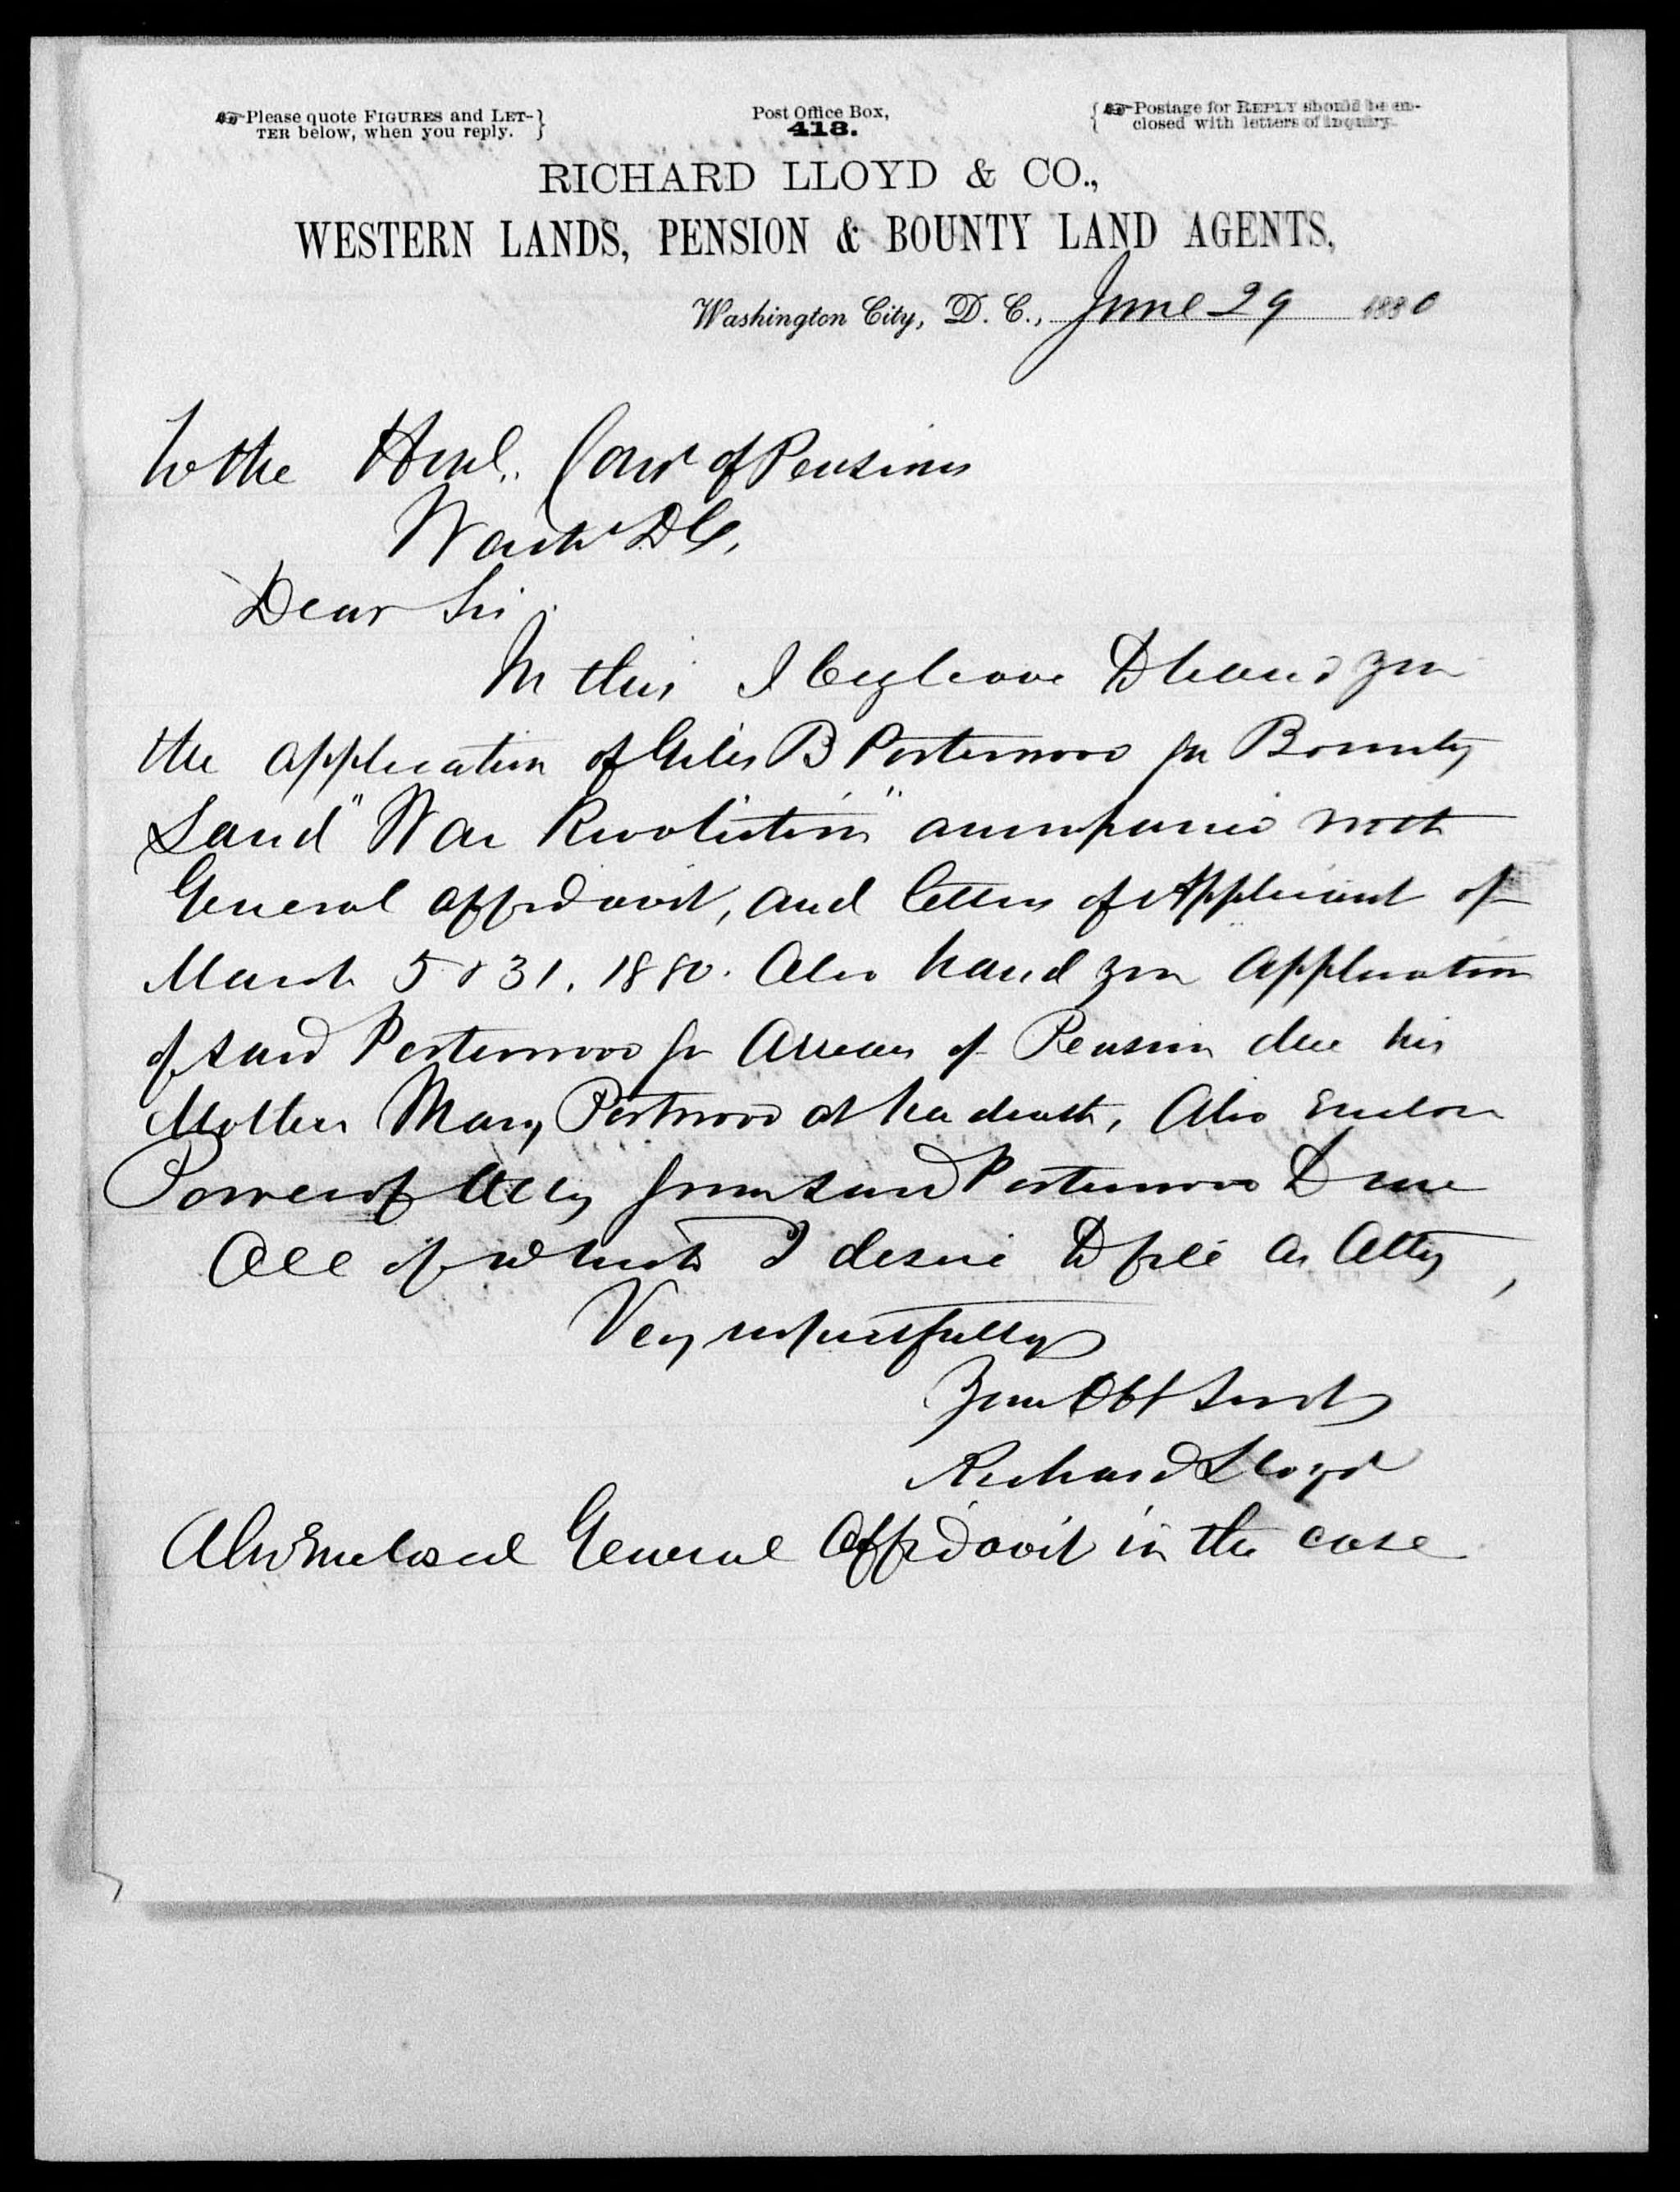Please quote FIGURES and LETTER | Post Office Box, | Postage for REPLY should be enclosed
below, when you reply. | 418. | with letters of inquiry.
RICHARD LLOYD & CO.,
WESTERN LANDS, PENSION & BOUNTY LAND AGENTS,
Washington City, D.C. June 29 1880
To the Honl. Comr of Pensions
Wash D. C.
Dear Sir
In this: I beg leave to hand you
the application of Giles B Portwood for Bounty
Land "War Revolution" accompanied with
General affidavit, and letters of Applicant of
March 5 & 31, 1880. Also hand you application
of said Pootwood for Arrears of Pension due his
Mother Mary Portwood at her death, Also senton
Power of Atty from said Portwood to me
All of which I desire to file as Atty
Very Respectfully
Your Obt Sert
Richard Lloyd
Also enclosed General Affidavit in the case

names: Richard Lloyd; Mary Portwood; Giles B Portwood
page: 20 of 50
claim: widow's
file: W. 1929, for Lloyd Portwood, Virginia